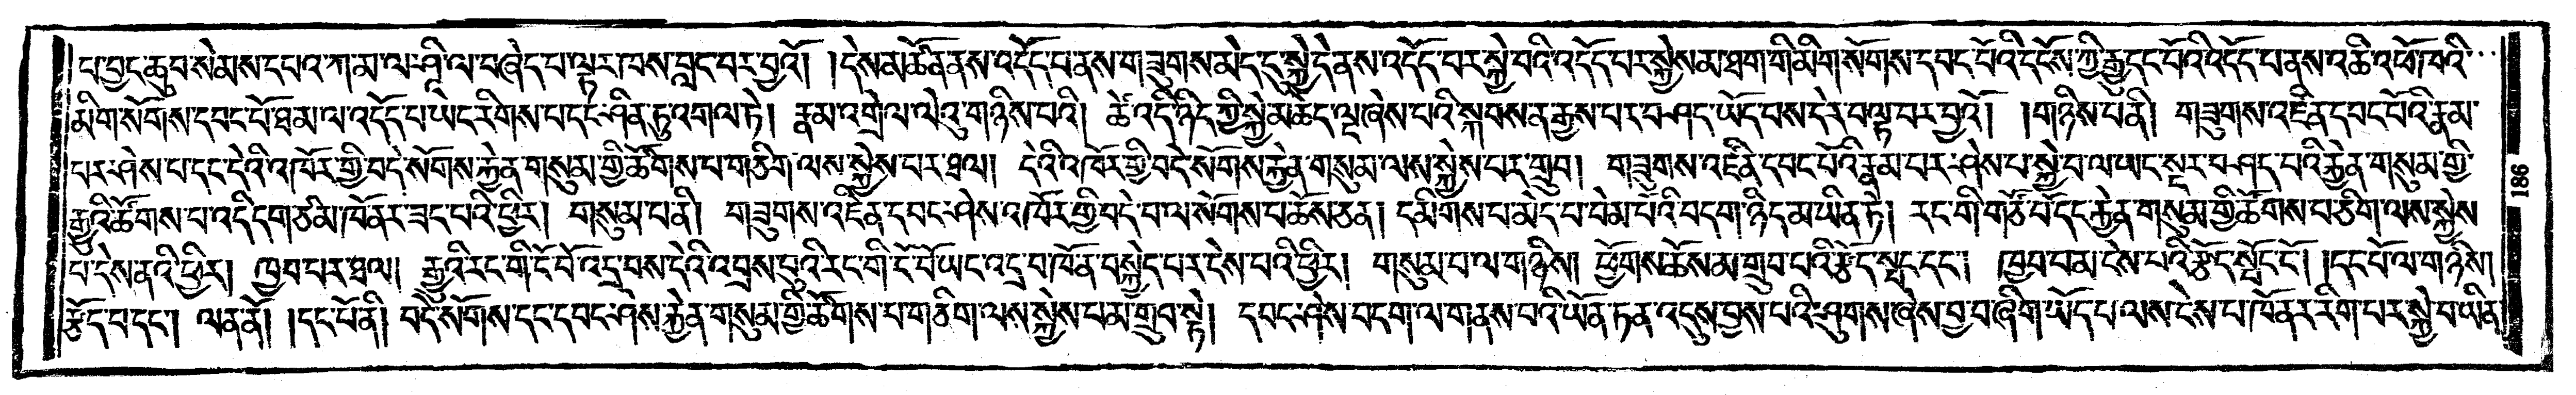པ་བྱང་ཆུབ་སེམས་དཔའ་ཀ་མ་ལ་ཤཱི་ལ་བཞེད་པ་ལྟར་ཁས་བླང་བར་བྱའོ། །དེས་མཚོན་ནས་འདོད་པ་ནས་གཟུགས་མེད་དུ་སྐྱེ་དེ་ནས་འདོད་པར་སྐྱེ་བའི་འདོད་པར་སྐྱེས་མ་ཐག་གི་མིག་སོགས་དབང་པོའི་དངོས་ཀྱི་རྒྱུ་དང་པོའི་འདོད་པ་ནས་འཆི་འཕོ་ཁའི་
མིག་སོགས་དབང་པོ་ཐ་མ་ལ་འདོད་པ་ཡང་རིགས་པ་དང་ཤིན་ཏུ་འགལ་ཏེ། རྣམ་འགྲེལ་ལེའུ་གཉིས་པའི། ཚེ་འདི་ཉིད་ཀྱི་སྐྱེ་མཆེད་ལྔ་ཞེས་པའི་སྐབས་ན་རྒྱས་པར་བཤད་ཡོད་པས་དེར་བལྟ་བར་བྱའོ། །གཉིས་པ་ནི། གཟུགས་འཛིན་དབང་པོའི་རྣམ་
པར་ཤེས་པ་དང་དེའི་འཁོར་གྱི་བདེ་སོགས་རྐྱེན་གསུམ་གྱི་ཚོགས་པ་གཅིག་ལས་སྐྱེས་པར་ཐལ། དེའི་འཁོར་གྱི་བདེ་སོགས་རྐྱེན་གསུམ་ལས་སྐྱེས་པར་གྲུབ། གཟུགས་འཛིན་དབང་པོའི་རྣམ་པར་ཤེས་པ་སྐྱེ་བ་ལ་ཡང་སྔར་བཤད་པའི་རྐྱེན་གསུམ་གྱི་
རྒྱུའི་ཚོགས་པ་འདི་དག་ཙམ་ཁོ་ནར་ཟད་པའི་ཕྱིར། གསུམ་པ་ནི། གཟུགས་འཛིན་དབང་ཤེས་འཁོར་གྱི་བདེ་བ་ལ་སོགས་པ་ཆོས་ཅན། དམིགས་པ་མེད་པ་བེམ་པོའི་བདག་ཉིད་མ་ཡིན་ཏེ། རང་གི་གཙོ་བོ་དང་རྐྱེན་གསུམ་གྱི་ཚོགས་པ་ཅིག་ལས་སྐྱེས་
པ་དེས་ནའི་ཕྱིར། ཁྱབ་པར་ཐལ། རྒྱུའི་རང་གི་ངོ་བོ་འདྲ་བས་དེའི་འབྲས་བུའི་རང་གི་ངོ་བོ་ཡང་འདྲ་བ་ཁོ་ན་བསྐྱེད་པར་ངེས་པའི་ཕྱིར། གསུམ་པ་ལ་གཉིས། ཕྱོགས་ཆོས་མ་གྲུབ་པའི་རྩོད་སྤང་དང་། ཁྱབ་པ་མ་ངེས་པའི་རྩོད་སྤོང་ངོ། །དང་པོ་ལ་གཉིས།
རྩོད་པ་དང་། ལན་ནོ། །དང་པོ་ནི། བདེ་སོགས་དང་དབང་ཤེས་རྐྱེན་གསུམ་གྱི་ཚོགས་པ་གཅིག་ལས་སྐྱེས་པ་མ་གྲུབ་སྟེ། དབང་ཤེས་བདག་ལ་གནས་པའི་ཡོན་ཏན་འདུས་བྱས་པའི་ཤུགས་ཞེས་བྱ་བ་ཞིག་ཡོད་པ་ལས་ངེས་པ་ཁོ་ནར་རིག་པར་སྐྱེ་བ་ཡིན་